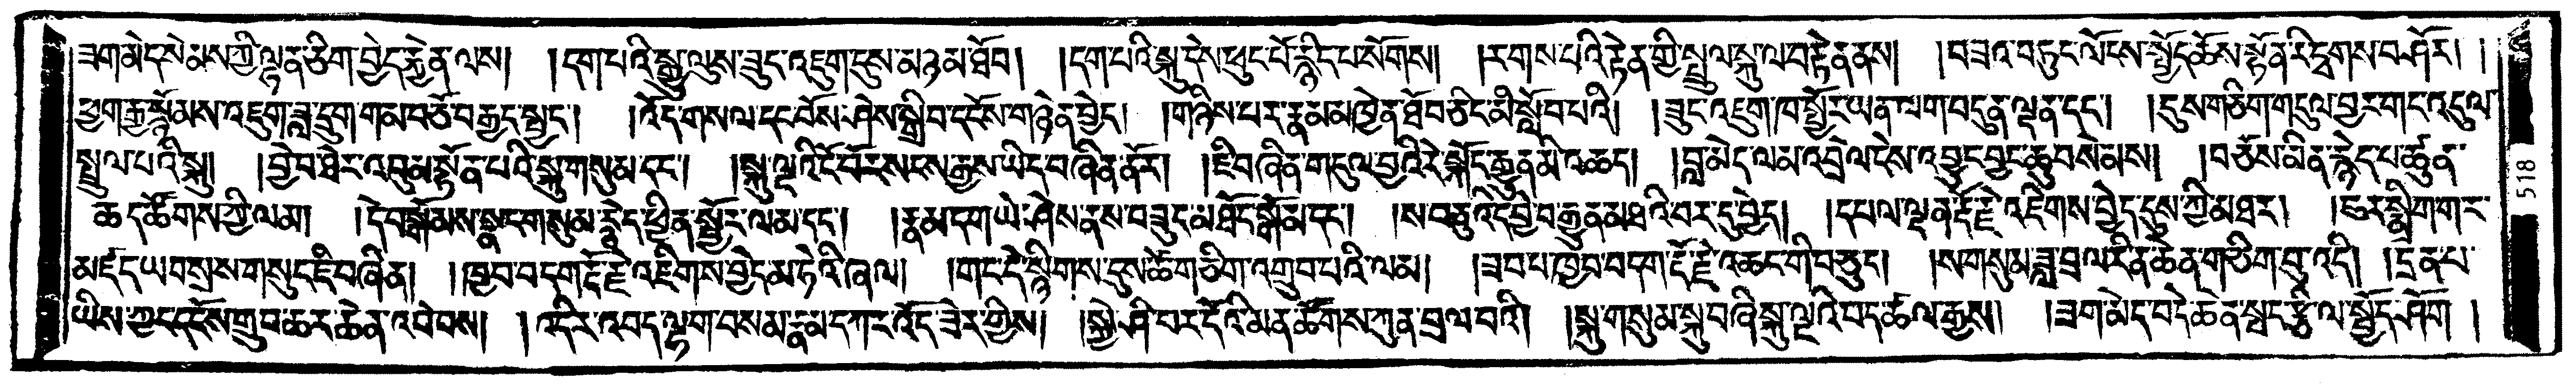ཟག་མེད་སེམས་ཀྱི་ལྷན་ཅིག་བྱེད་རྐྱེན་ལས། །དག་པའི་སྒྱུ་ལུས་ཟུང་འཇུག་དུས་མཉམ་ཐོབ། །དག་པའི་སྐུ་དེས་ཕུང་པོ་རྙིང་པ་སོགས། །རགས་པའི་རྟེན་གྱི་སྤྲུལ་སྐུ་ལ་བརྟེན་ནས། །བཟའ་བཏུང་ལོངས་སྤྱོད་ཆོས་སྟོན་རི་དྭགས་བཤོར། །
ཕྱག་རྒྱ་སྙོམ་འཇུག་ཟླ་དྲུག་གམ་བཅོ་བརྒྱད་སྦྱང་། །འོད་གསལ་དང་པོས་ཤེས་སྒྲིབ་དངོས་གཉེན་བྱེད། །གཉིས་པར་རྣམ་མཁྱེན་ཐོབ་ཅིང་མི་སློབ་པའི། །ཟུང་འཇུག་ཁ་སྦྱོར་ཡན་ལག་བདུན་ལྡན་དང་། །དུས་གཅིག་གདུལ་བྱར་གང་འདུལ་
སྤྲུལ་པའི་སྐུ། །བྱེ་བ་ཐེར་འབུམ་སྟོན་པའི་སྐུ་གསུམ་དང་། །སྐུ་ལྔའི་ངོ་བོར་སངས་རྒྱས་ཡིད་བཞིན་ནོར། །ཇི་བཞིན་གདུལ་བྱའི་རེ་སྐོང་རྒྱུན་མི་འཆད། །བླ་མེད་ལམ་འབྲེལ་ངེས་འབྱུང་བྱང་ཆུབ་སེམས། །བཅོས་མིན་རྙེད་པ་ཚུན་
ཆད་ཚོགས་ཀྱི་ལམ། །དེ་བསྒོམས་སྣང་གསུམ་རྙེད་ཕྱིན་སྦྱོར་ལམ་དང་། །རྣམ་དག་ཡེ་ཤེས་ནས་བཟུང་མཐོང་སྒོམ་དང་། །ས་བཅུའི་དབྱེ་བ་རྒྱུན་མཐའི་བར་དུ་བྱེད། །དཔལ་ལྡན་རྡོ་རྗེ་འཇིགས་བྱེད་དུས་ཀྱི་མཐར། །ངུར་སྨྲིག་གར་
མཛད་ཡབ་སྲས་གསུང་ཇི་བཞིན། །ཁྱབ་བདག་རྡོ་རྗེ་འཇིགས་བྱེད་མ་ཧེའི་ཞལ། །གང་དེ་སྙིགས་དུས་ཚེ་གཅིག་འགྲུབ་པའི་ལམ། །ཟབ་པ་ཁྱབ་བདག་རྡོ་རྗེ་འཆང་གི་བཅུང་། །ས་གསུམ་ཟླ་བྲལ་རིན་ཆེན་གཅིག་བུ་འདི། །དྲན་པ་
ཡིས་ཀྱང་དངོས་གྲུབ་ཆར་ཆེན་འབེབས། །འདིར་འབད་ལྷག་བསམ་རྣམ་དཀར་འོད་ཟེར་གྱིས། །སྐྱེ་ཤི་བར་དོའི་མན་ཚོགས་ཀུན་བྲལ་བའི། །སྐུ་གསུམ་སྐུ་བཞི་སྐུ་ལྔའི་པད་ཚལ་རྒྱས། །ཟག་མེད་བདེ་ཆེན་སྤང་རྩི་ལ་སྤྱོད་ཤོག །